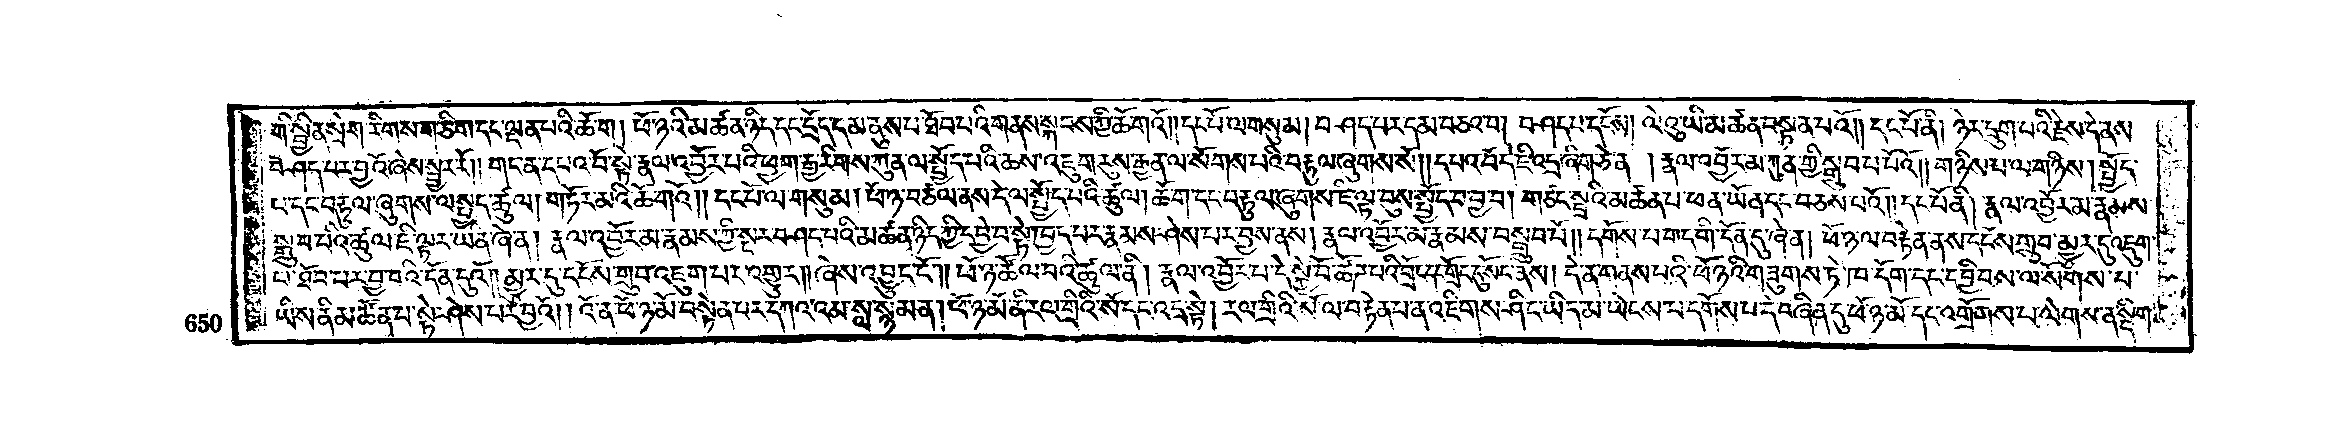གི་སྦྱིན་སྲེག་རིགས་གཅིག་དང་ལྡན་པའི་ཆོག། ཕོ་ཉའི་མཚན་ཉིད་དང་དྲོད་དམ་ནུས་པ་ཐོབ་པའི་གནས་སྐབས་ཀྱི་ཆོ་གའོ། །དང་པོ་ལ་གསུམ། བཤད་པར་དམ་བཅའ་བ། བཤད་པ་དངོས། ལེའུ་ཡི་མཚན་བསྟན་པའོ། །དང་པོ་ནི། ཉེར་དྲུག་པའི་རྗེས་དེ་ནས་
བཤད་པར་བྱའོ་ཞེས་སྦྱར་རོ། །གང་ན་དཔའ་བོ་སྟེ་རྣལ་འབྱོར་པའི་ཕྱག་རྒྱ་རིགས་ཀུན་ལ་སྤྱོད་པའི་ཆས་འཇུག་རུས་རྒྱན་ལ་སོགས་པའི་བརྟུལ་ཞུགས་སོ། །དཔའ་བོ་དེ་ཇི་འདྲ་ཞིག་ཅེ་ན། རྣལ་འབྱོར་མ་ཀུན་གྱི་སྒྲུབ་པ་པོའོ། །གཉིས་པ་ལ་གཉིས། སྤྱོད་
པ་དང་བརྟུལ་ཞུགས་ལ་སྤྱད་ཚུལ། གཏོར་མའི་ཆོ་གའོ། །དང་པོ་ལ་གསུམ། ཕོ་ཉ་བཙལ་ནས་དེ་ལ་སྤྱོད་པའི་ཚུལ། ཆོ་ག་དང་བརྟུལ་ཞུགས་ཇི་ལྟ་བུས་སྤྱོད་པ་བྱ་བ། གཙང་སྦྲའི་མཚན་པ་ཕན་ཡོན་དང་བཅས་པའོ། །དང་པོ་ནི། རྣལ་འབྱོར་མ་རྣམས་
སྒྲུབ་པའི་ཚུལ་ཇི་ལྟར་ཡིན་ཞེ་ན། རྣལ་འབྱོར་མ་རྣམས་ཀྱི་སྔར་བཤད་པའི་མཚན་ཉིད་ཀྱི་དབྱེ་བ་སྟེ་ཁྱད་པར་རྣམས་ཤེས་པར་བྱས་ནས། རྣལ་འབྱོར་མ་རྣམས་བསྒྲུབ་པོ། །དགོས་པ་གང་གི་དོན་དུ་ཞེ་ན། ཕོ་ཉ་ལ་བརྟེན་ནས་དངོས་གྲུབ་མྱུར་དུ་འཇུག་
པ་ཐོབ་པར་བྱ་བའི་དོན་དུའོ། །མྱུར་དུ་དངོས་གྲུབ་འཇུག་པར་འགྱུར། །ཞེས་འབྱུང་ངོ། །ཕོ་ཉ་ཚོལ་བའི་ཚུལ་ནི། རྣལ་འབྱོར་པ་དེ་སྐྱེ་བོ་ཚོགས་པའི་གྲོང་དང་གྲོང་དུ་སོང་ནས། དེ་ན་གནས་པའི་ཕོ་ཉའི་གཟུགས་ཏེ་ཁ་དོག་དང་དབྱིབས་ལ་སོགས་པ་
ཡིས་ནི་མཚོན་པ་སྟེ་ཤེས་པར་བྱའོ། །འོ་ན་ཕོ་ཉ་མོ་བསྟེན་པར་དཀའ་འམ་སླ་སྙམ་ན། ཕོ་ཉ་མོ་ནི་རལ་གྲིའི་སོ་དང་འདྲ་སྟེ། རལ་གྲིའི་སོ་ལ་བརྟེན་པ་ན་འཇིགས་ཤིང་ཡིད་མ་ཡེངས་པ་དགོས་པ་དེ་བཞིན་དུ་ཕོ་ཉ་མོ་དང་འགྲོགས་པ་ལེགས་ན་སྡིག་